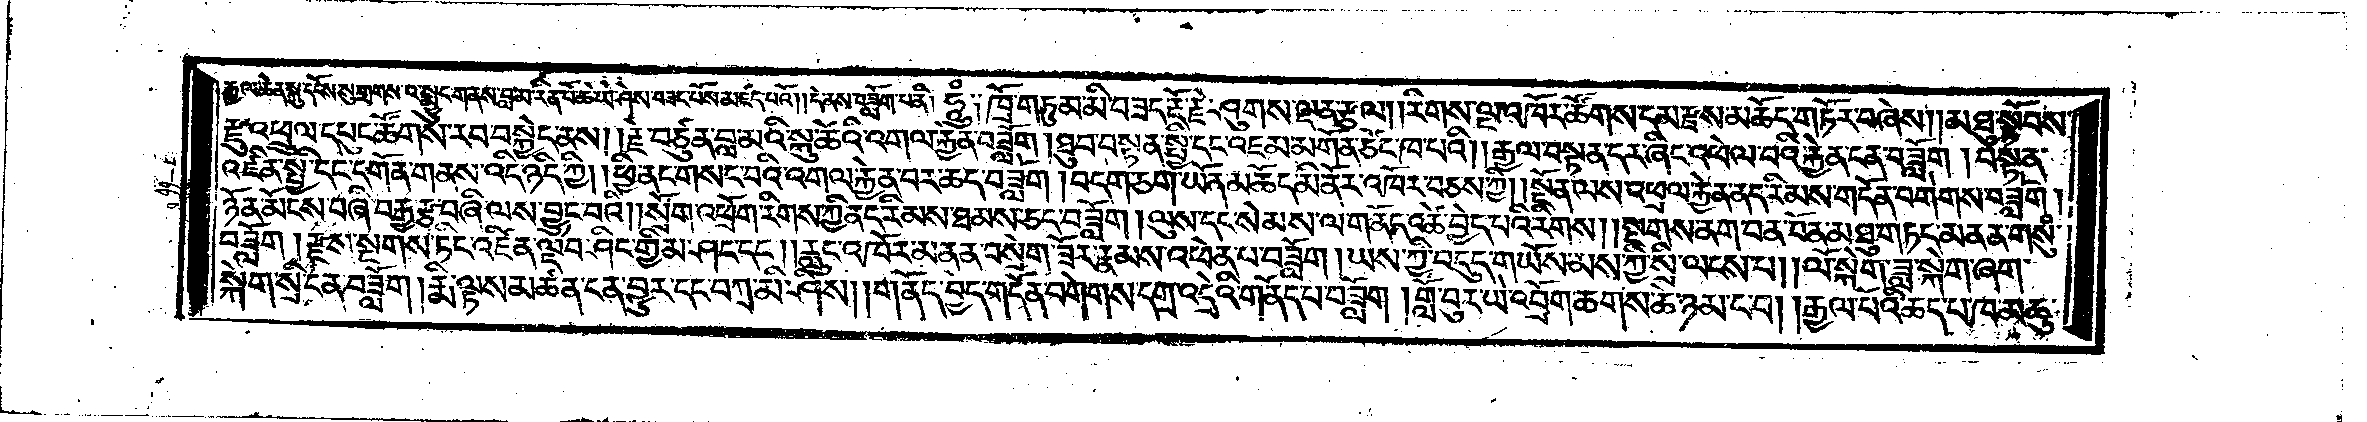རྒྱལ་ཆེན་སྐུ་དངོས་སུ་གྲགས་པ་སྨྱུང་གནས་བླ་མ་རིན་པོ་ཆེ་ཡེ་ཤེས་བཟང་པོས་མཛད་པའོ། །དེ་ནས་བཟློག་པ་ནི། ཧཱུཾ༑ ཁྲོ་གཏུམ་མི་བཟད་རྡོ་རྗེ་ཤུགས་ལྡན་རྩལ། །རིགས་ལྔ་འཁོད་ཚོགས་དམ་རྫས་མཆོད་གཏོར་བཞེས། །མཐུ་སྟོབས་
རྫུ་འཕྲུལ་དཔུང་ཚོགས་རབ་བསྐྱེད་ནས། །རྗེ་བཙུན་བླ་མའི་སྐུ་ཚེའི་འགལ་རྐྱེན་བཟློག །ཐུབ་བསྟན་སྤྱི་དང་འཇམ་མགོན་ཙོང་ཁ་པའི། །རྒྱལ་བསྟན་དར་ཞིང་འཕེལ་བའི་རྐྱེན་ངན་བཟློག །བསྟན་
འཛིན་སྤྱི་དང་དགོན་གནས་འདི་ཉིད་ཀྱི། །ཕྱི་ནང་གསང་བའི་འགལ་རྐྱེན་བར་ཆད་བཟློག །བདག་ཅག་ཡོན་མཆོད་མི་ནོར་འཁོར་བཅས་ཀྱི། །སྔོན་ལས་འཕྲལ་རྐྱེན་ནད་རིམས་གདོན་བགེགས་བཟློག།
ཉོན་མོངས་བཞི་བརྒྱ་རྩ་བཞི་ལས་བྱུང་བའི། །སྲོག་འཕྲོག་རིགས་ཀྱི་ནད་རིམས་ཐམས་ཅད་བཟློག །ལུས་དང་སེམས་ལ་གནོད་འཚེ་བྱེད་པའི་རིགས། །སྔགས་ནག་བན་བོན་མཐུ་གཏང་མན་ན་གསུཾ།
བཟློག །རྫས་སྔགས་ཏིང་འཛིན་ལྡེབ་ཤིང་གྱིམ་ཤང་དང་། །རླུང་འཁོར་མནན་བསྲེག་ཟོར་རྣམས་འཕེན་པ་བཟློག །ཡས་ཀྱི་བདུད་གཡོས་མས་ཀྱི་སྲི་ལངས་པ། །ལོ་སྐེག་ཟླ་སྐེག་ཞག་
སྐེག་སྲི་ངན་བཟློག །རྨི་ལྟས་མཚན་ངན་བྱུར་དང་བཀྲ་མི་ཤིས། །གནོད་བྱེད་གདོན་བགེགས་དགྲ་འདྲེའི་གནོད་པ་བཟློག །གློ་བུར་ཡེ་འབྲོག་ཆགས་ཆེ་ཉམ་ང་བ། །རྒྱལ་པོའི་ཆད་པ་ཁ་མཆུ་